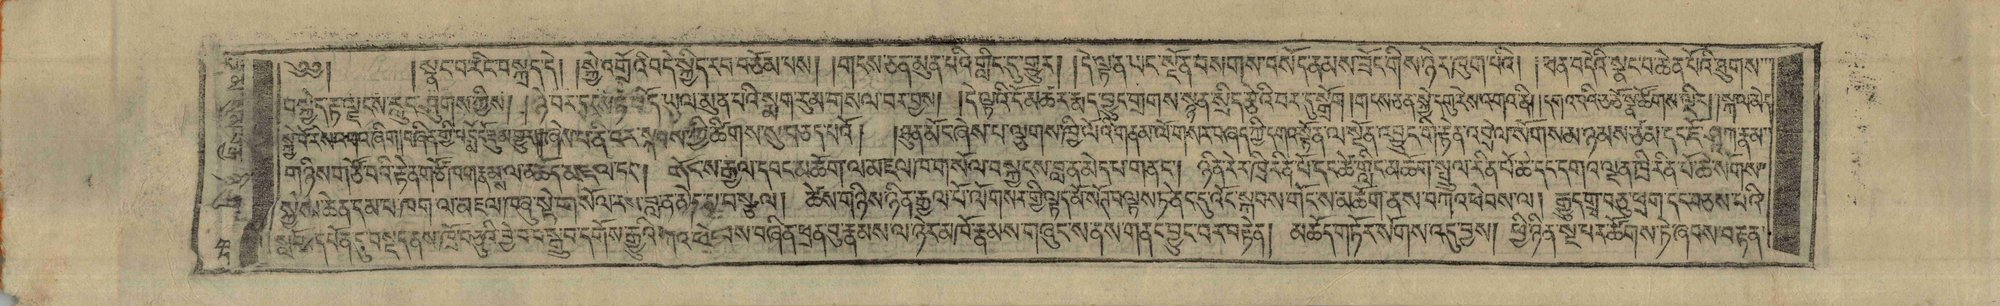༄༅། །སྣང་བ་རིང་བསྐྲད་དེ། །སྐྱེ་འགྲོའི་བདེ་སྐྱིད་རབ་བཅོམ་པས། །གངས་ཅན་མུན་པའི་གླིང་དུ་གྱུར། །དེ་ལྟ་ན་ཡང་སྔོན་བསགས་བསོད་ནམས་ཟོང་གིས་ཉེར་ཁུག་པའི། །ཕན་བདེའི་སྣང་བ་ཆེན་པོའི་ཐུགས་
བསྐྱེད་རྟ་ལྗངས་རླུང་ཤུགས་ཀྱིས། །ཉེ་བར་དྲངས་ཏེ་བོད་ཡུལ་མུན་པའི་སྨག་རུམ་གསལ་བར་བྱས། །དེ་ལྟའི་ངོ་མཚར་རྨད་བྱུང་གྲགས་སྙན་སྲིད་རྩེའི་བར་དུ་སྒྲོག །གངས་ཅན་སྐྱེ་དགུ་རེས་འགའ་ནི། །དགའ་བའི་ཅ་ཅོ་སྣ་ཚོགས་ལྡིར། །སྐལ་མེད་
སྐྱེ་བོ་རེས་འགའ་ཞིག །བཞིན་གྱི་པདམོ་ངོ་ཟུམ་གྱུར། །ཞེས་པ་ནི་བར་སྐབས་ཀྱི་ཚིགས་སུ་བཅད་པའོ། །ཐུན་མོང་ཞེས་པ་ལྕགས་ཁྱི་ལོའི་གནམ་ལོ་གསར་བཞད་ཀྱི་དགའ་སྟོན་ལ་སྔོན་འབྱུང་གི་རྟེན་འབྲེལ་སོགས་མཉམས་ཙམ་དང་ཇོ་ཤཱཀ་རྣམ་
གཉིས་གཙོ་བའི་རྟེན་གཙོ་ཁག་རྣམས་ལ་མཆོད་མཇལ་དང་། གོང་ས་རྒྱལ་དབང་མཆོག་ལ་མཇལ་ཁ་གསོལ་བསྐྱངས་བླ་ན་མེད་པ་གནང་། ཉིན་རེར་ཁྲི་རིན་པོ་དང་ཚེ་གླིང་མཆོག་སྤྲུལ་རིན་པོ་ཆེ་དང་དགའ་ལྡན་ཁྲི་རིན་པོ་ཆེ་སོགས་
སྐྱེས་ཆེན་དམ་པ་ཁག་ལ་མཇལ་ཁ་ཞུ་སྟེ་གསོལ་རས་བླ་ན་མེད་པ་བསྩལ། ཚེས་གཉིས་ཉིན་རྒྱལ་པོ་ལོ་གསར་གྱི་ལྟད་མོ་སོགས་བལྟས་ཏེ་ནང་དུ་འོང་སྐབས་གོང་ས་མཆོག་ནས་བཀའ་ཕེབས་ལ། རྒྱུད་གྲྭ་བཅུ་ཕྲག་དང་བཅས་པའི་
སློབ་དཔོན་དུ་བསྡད་ནས་ཁྲོ་བཅུའི་བྱེ་བ་བསྒྲུབ་དགོས་རྒྱུའི་བཀའ་ཕེབས་བཞིན་ཕྲན་བུ་རྣམས་ལ་ཉེར་མཁོ་རྣམས་གཞུང་ས་ནས་གནང་བྱུང་བར་བརྟེན། མཆོད་གཏོར་སོགས་འདུ་བྱས། ཕྱི་ཉིན་སྔ་པར་ཚོགས་ཏེ་ཞབས་བརྟན་